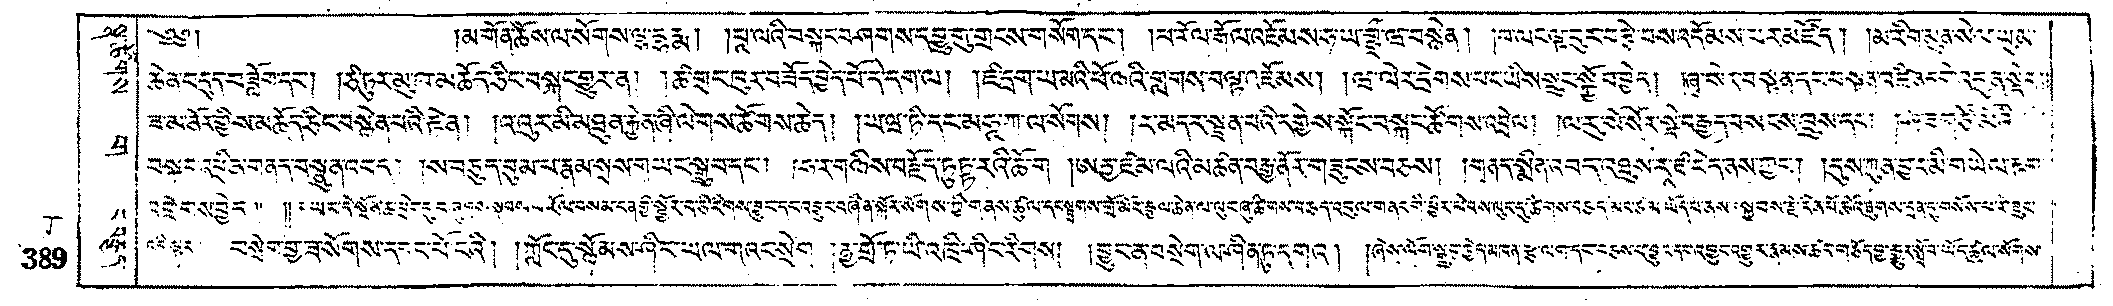༄༅། །མགོན་ཚོས་ལ་སོགས་ལྷ་དྷརྨ། །པཱ་ལའི་བསྐང་བཤགས་དབྱུ་གུ་གྲངས་གསོག་དང་། །ཕ་རོལ་རྒོལ་འཇོམས་ཧ་ཡ་གྷྲྀ་ཝ་བསྙེན། །བ་ལང་ལྟ་བུར་བརྩེ་བས་འདོམས་པར་མཛོད། །མ་རིག་མུན་སེལ་ཡུམ་
ཆེན་བདུད་བཟློག་དང་། །ཙ་ཏུར་མུ་ཁ་མཆོད་ཅིང་བསྐང་གྱུར་ན། །ཚ་གྲང་ཁུར་བཟོད་བྱེད་པོ་དེ་དག་ལ། །ཛ་དྲག་ཡ་མའི་ཕོ་ཉའི་གླགས་བལྟ་འཇོམས། །ཝ་ལེར་དྲེགས་པ་ང་ཡིས་སྲུང་སྐྱོབ་བྱེད། །ཞྭ་སེར་བསྟན་དང་བསྟན་འཛིན་དགེ་འདུན་སྡེར།།
ཟ་མ་ནོར་གྱིས་མཆོད་ཅིང་བསྙེན་པའི་རྟེན། །འ་འུར་མི་མཐུན་རྐྱེན་ཞི་ལེགས་ཚོགས་ཆེད། །ཡ་ཝ་ཏི་དང་མཧཱ་ཀ་ལ་སོགས། །ར་མདར་སྦྲན་པའི་དགྱེས་སྐོང་བསྐང་ཚོགས་འབྲེལ། །ལ་རུ་སོ་སོར་སྡེ་བརྒྱད་བསངས་ཁྲུས་དང་། །ཤ་ཟ་གཙོ་མོའི་་་
བསྐང་འཕྲིན་གནད་བསྣུན་འབད། །ས་བཅུད་བུམ་པ་རྣམ་སྲས་གཡང་སྒྲུབ་དང་། །ཧ་ར་གཉིས་བརྗོད་ཏུཏྟ་རའི་ཆོ་ག །ཨརྱ་ཛམ་ལའི་མཚན་བརྒྱ་ནོར་གཟུངས་བཅས། །གནད་སྨིན་འབད་འཐུས་རཱ་ཛ་ངེད་ནས་ཀྱང་། །དུས་ཀུན་བྱ་ར་མི་གཡེལ་རྟག་
འགྲེགས་བྱེད།། །།༧ཡང་དེ་སྔོན་ཆ་ཕྲེང་དུ་བཞུགས་སྐབས་ཕ་རོལ་བསམ་ངན་གྱི་སྦྱོར་བ་ཅི་རིགས་བྱུང་དང་འབྱུང་བཞིན་སྐོར་སོགས་ཀྱི་གནས་ཚུལ་དང་སྦྲགས་གྲོ་མོར་རྒྱལ་ཆེན་ལ་ལུང་ཞུ་ཚིགས་བཅད་འབུལ་གནང་གི་ཕྱིར་ཕེབས་ལུང་དུ་ཚིགས་བཅད་མང་ཙམ་ཡོད་པ་ནས ༧སྐྱབས་རྗེ་རིན་པོ་ཆེའི་ཐུགས་དྲན་དུ་གསོས་པ་རེ་ཟུང་
འདི་ལྟར། བསྲེག་བྱ་ཟ་སོགས་དབང་པོ་ངའི། །ཀློང་དུ་སྙོམས་ཤིང་ཡལ་གའང་སྲེག། །ནྱ་གྲོ་ཏ་ཡི་འཁྲི་ཤིང་རིགས། །བྱུང་ན་བསྲེག་ལ་ཤིན་ཏུ་དགའ། །ཞེས་ལོག་སྒྲུབ་བྱེད་མཁན་རྩ་ལག་དང་བཅས་པ་བྱུང་དང་འབྱུང་འགྱུར་རྣམས་ཏར་གཅོད་བྱར་རྒྱུར་སྤྲོ་བ་ཡོད་ཚུལ་སོགས་